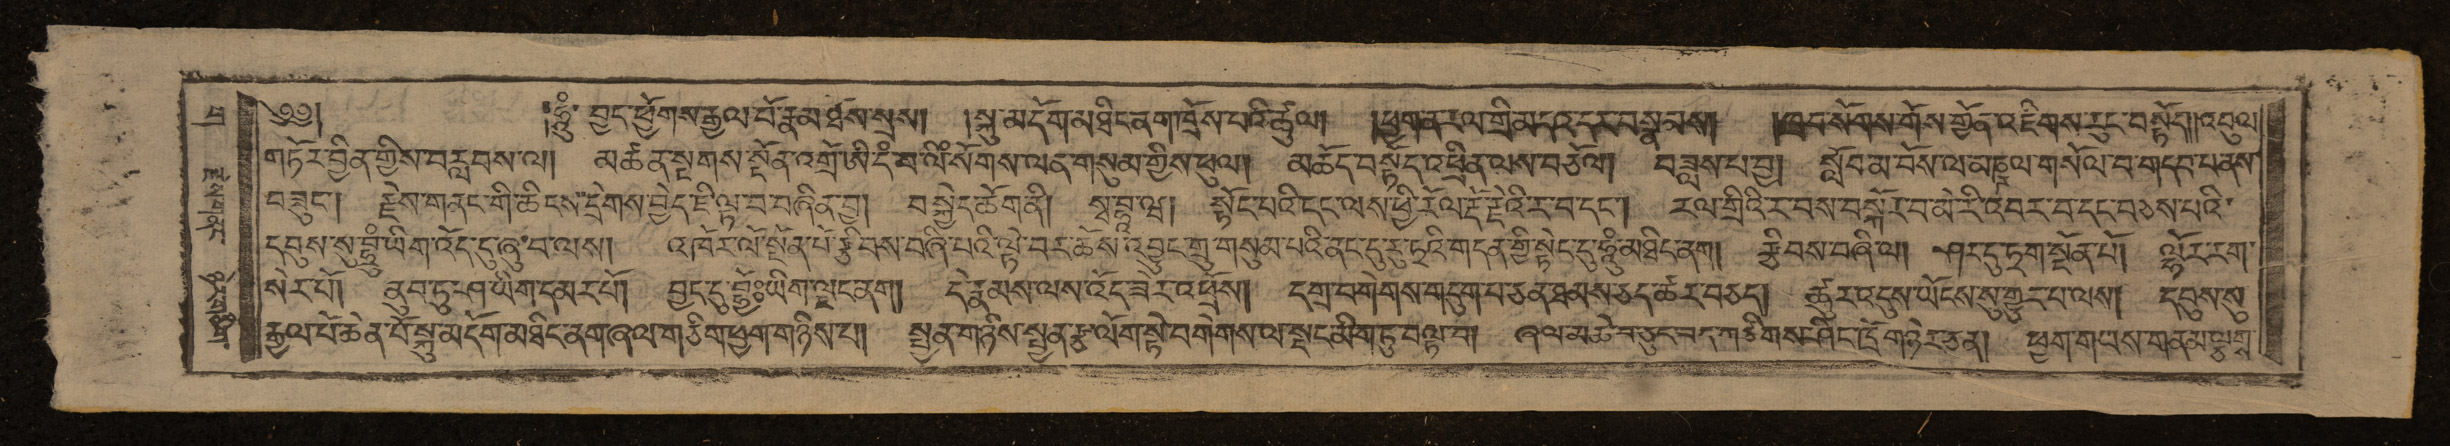༄༅། །ཧཱུཾ་བྱང་ཕྱོགས་རྒྱལ་པོ་རྣམ་ཐོས་སྲས། །སྐུ་མདོག་མཐིང་ནག་ཁྲོས་པའི་ཚུལ། །ཕྱག་ན་རལ་གྲི་མདའ་དར་བསྣམས། །ཁྲབ་སོགས་གོས་གྱོན་འཇིགས་རུང་བསྟོད། །འབུལ་
གཏོར་བྱིན་གྱིས་བརླབས་ལ། མཚན་སྔགས་སྔོན་འདྲ་མི་དཾ་བ་ལིཾ་སོགས་ལན་གསུམ་གྱིས་ཕུལ། མཆོད་བསྟོད་འཕྲིན་ལས་བཅོལ། བཟླས་པ་བྱ། སློབ་མ་བོས་ལ་མཎྜལ་གསོལ་བ་གདབ་པ་ནས་
བཟུང་། རྗེས་གནང་གི་ཆིངས་དྲེགས་བྱེད་ཇི་ལྟ་བ་བཞིན་བྱ། བསྐྱེད་ཆོག་ནི། སྭ་བྷཱ་ཝ། སྟོང་པའི་དང་ལས་ཕྱི་རོལ་རྡོ་རྗེའི་ར་བ་དང་། རལ་གྲིའི་ར་བས་བསྐོར་བ་མེ་རི་འབར་བ་དང་བཅས་པའི་
དབུས་སུ་བྷྲུཾ་ཡིག་འོད་དུ་ཞུ་བ་ལས། འཁོར་ལོ་སྔོན་པོ་རྩབས་བཞི་པའི་ལྟེ་བར་ཆོས་འབྱུང་གྲུ་གསུམ་པའི་ནང་དུ་རུ་ཏྲའི་གདན་གྱི་སྟེང་དུ་ཧཱུཾ་མཐིང་ནས། རྩིབས་བཞི་ལ། ཤར་དུ་ཏྲག་སྔོན་པོ། ལྷོར་རག་
སེར་པོ། ནུབ་ཏུ་ཤ་ཡིག་དམར་པོ། བྱང་དུ་བྷྱོཿཡིག་ལྗང་ནག། དེ་རྣམས་ལས་འོད་ཟེར་འཕྲོས། དགྲ་བགེགས་གདུག་པ་ཅན་ཐམས་ཅད་ཚར་བཅད། ཚུར་འདུས་ཡོངས་སུ་གྱུར་པ་ལས། དབུས་སུ་
རྒྱལ་པོ་ཆེན་པོ་སྐུ་མདོག་མཐིང་ནག་ཞལ་གཅིག་ཕྱག་གཉིས་པ། སྤྱན་གཉིས་སྤྱན་རྩ་ལོག་སྟེ་བགེགས་ལ་སྡང་མིག་ཏུ་བལྟ་བ། ཞལ་མཆེ་བ་ཅུང་ཟད་གཅིགས་ཤིང་ཁྲོ་གཉེར་ཅན། ཕྱག་གཡས་གནམ་ལྕགས་